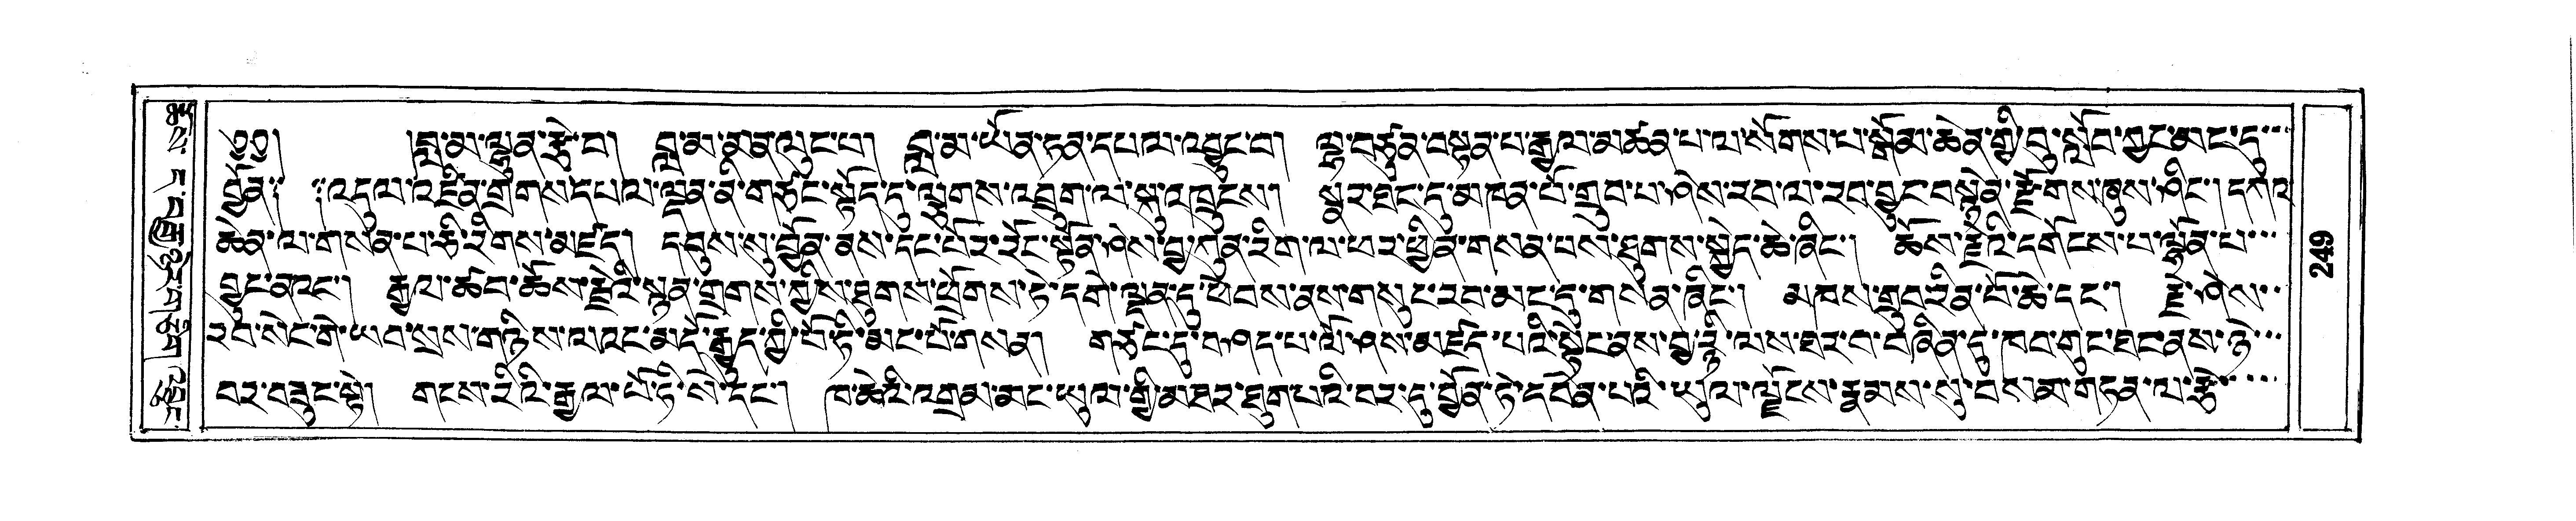༄༅། །བླ་མ་ལྷུན་རྩེ་བ། བླ་མ་མན་ལུང་པ། བླ་མ་ཡོན་ཏན་དཔལ་འབྱུང་བ། ལྷ་བཙུན་བསྟན་པ་རྒྱལ་མཚན་པ་ལ་སོགས་པ་སྒོམ་ཆེན་གྱི་བུ་སློབ་ཀྱང་མང་དུ་
བྱོན༑ ༑འདུལ་འཛིན་གྲགས་དཔལ་ལྡན་ནི་གཙང་སྟོད་དུ་ལྕགས་འབྲུག་ལ་སྐུ་འཁྲུངས། སྣར་ཐང་དུ་མཁན་པོ་གྲུབ་པ་ཤེས་རབ་ལ་རབ་བྱུང་བསྙེན་རྫོགས་ཞུས་ཤིང་། དཀའ་
ཆེན་ལ་གསན་པ་ཅི་རིགས་མཛད། དབུས་སུ་བྱོན་ནས་དང་པོར་རོང་སྟོན་ཤེས་བྱ་ཀུན་རིགས་ལ་ཕར་ཕྱིན་གསན་པས་ཐུགས་སྐྱེད་ཆེ་ཞིང་། ཆོས་རྗེའི་དགོངས་པ་ལྷོན་པ་
བྱུང་ནའང་། རྒྱལ་ཚབ་ཆོས་རྗེའི་སྙན་གྲགས་ཀྱིས་ཐུགས་ཕྲོས་ཏེ་དགེ་ལྡན་དུ་ཕེབས་ནས་གསུངས་རབ་མང་དུ་གསན་ཞིང་། མཁས་གྲུབ་རིན་པོ་ཆེ་དང་། རྗེ་ཤེས་
རབ་སེང་གེ་ཡབ་སྲས་གཉིས་ལའང་མདོ་རྒྱུད་ཀྱི་པོ་ཏི་མང་པོ་གསན། གཙང་དུ་བཤད་པ་ལོ་ཤས་མཛད་པའི་སྟེང་ནས་བྱ་རྙི་ལས་ཐར་བ་བཞིན་དུ་ཁབ་གུང་ཐང་ནས་ཉེ་
བར་བཟུང་སྟེ། གནས་རིའི་རྒྱལ་པོ་ཏི་སེ་དང་། ཁ་ཆེའི་འགྲམ་མང་ཡུལ་གྱིས་མཐར་ཐུག་པའི་བར་དུ་བྱོན་ཏེ་དབོན་པའི་ཡུལ་ལྗོངས་རྣམས་སུ་བསམ་གཏན་ལ་རྩེ་